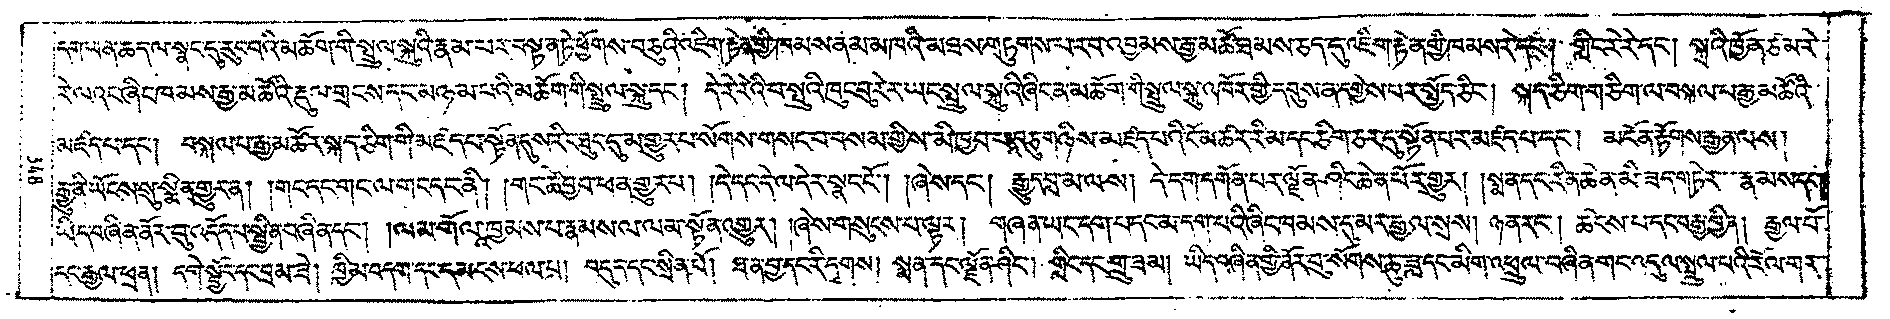དག་ཡན་ཆད་ལ་སྣང་དུ་རུང་བའི་མཆོག་གི་སྤྲུལ་སྐུའི་རྣམ་པར་བསྟན་ཏེ་ཕྱོགས་བཅུའི་འཇིག་རྟེན་གྱི་ཁམས་ནམ་མཁའི་མཐས་གཏུགས་པ་རབ་འབྱམས་རྒྱ་མཚོ་ཐམས་ཅད་དུ་འཇིག་རྟེན་གྱི་ཁམས་རེ་དང་། གླིང་རེ་རེ་དང་། སྐྲའི་ཁྱོན་ཙམ་རེ་
རེ་ལའང་ཞིང་ཁམས་རྒྱ་མཚོའི་རྡུལ་གྲངས་དང་མཉམ་པའི་མཆོག་གི་སྤྲུལ་སྐུ་དང་། དེ་རེ་རེའི་བ་སྤུའི་ཁུང་བུ་རེར་ཡང་སྤྲུལ་སྐུའི་ཞིང་ན་མཆོག་གི་སྤྲུལ་སྐུ་འཁོར་གྱི་དབུས་ན་དགྱེས་པར་སྤྱོད་ཅིང་། སྐད་ཅིག་གཅིག་ལ་བསྐལ་པ་རྒྱ་མཚོའི་
མཛད་པ་དང་། བསྐལ་པ་རྒྱ་མཚོར་སྐད་ཅིག་གི་མཛད་པ་སྟོན་དུས་རིང་ཐུང་དུ་མ་གྱུར་པ་སོགས་གསང་བ་བསམ་གྱིས་མི་ཁྱབ་པའི་བཅུ་གཉིས་མཛད་པའི་ངོ་མཚར་རིམ་དང་ཅིག་ཅར་དུ་སྟོན་པར་མཛད་པ་དང་། མངོན་རྟོགས་རྒྱན་ལས།
རྒྱུ་ནི་ཡོངས་སུ་སྨིན་གྱུར་ན། །གང་དང་གང་ལ་གང་དང་ནི། །གང་ཚེ་བྱ་བ་ཕན་གྱུར་པ། །དེ་དང་དེ་ལ་དེར་སྣང་ངོ། །ཞེས་དང་། རྒྱུད་བླ་མ་ལས། དེ་དག་དགོན་པར་ལྗོན་ཤིང་ཆེན་པོར་གྱུར། །སྨན་དང་རིན་ཆེན་མི་ཟད་གཏེར་རྣམས་དང།།
ཡིད་བཞིན་ནོར་བུ་འདོད་པ་སྦྱིན་བཞིན་དང་། །ལམ་གོལ་འཁྱམས་པ་རྣམས་ལ་ལམ་སྟོན་འགྱུར། །ཞེས་གསུངས་པ་ལྟར། གཞན་ཡང་དག་པ་དང་མ་དག་པའི་ཞིང་ཁམས་དུ་མར་རྒྱལ་སྲས། ཉན་རང་། ཚངས་པ་དང་བརྒྱ་བྱིན། རྒྱལ་པོ་
དང་རྒྱལ་ཕྲན། དགེ་སྦྱོང་དང་བྲམ་ཟེ། ཁྱིམ་བདག་དང་དམངས་ཕལ་པ། བདུད་དང་སྲིན་པོ། ཐ་ན་བྱ་དང་རི་དྭགས། སྨན་དང་ལྗོན་ཤིང་། གླིང་དང་གྲུ་ཟམ། ཡིད་བཞིན་གྱི་ནོར་བུ་སོགས་ཆུ་ཟླ་དང་མིག་འཕྲུལ་བཞིན་གང་འདུལ་སྤྲུལ་པའི་རོལ་གར་